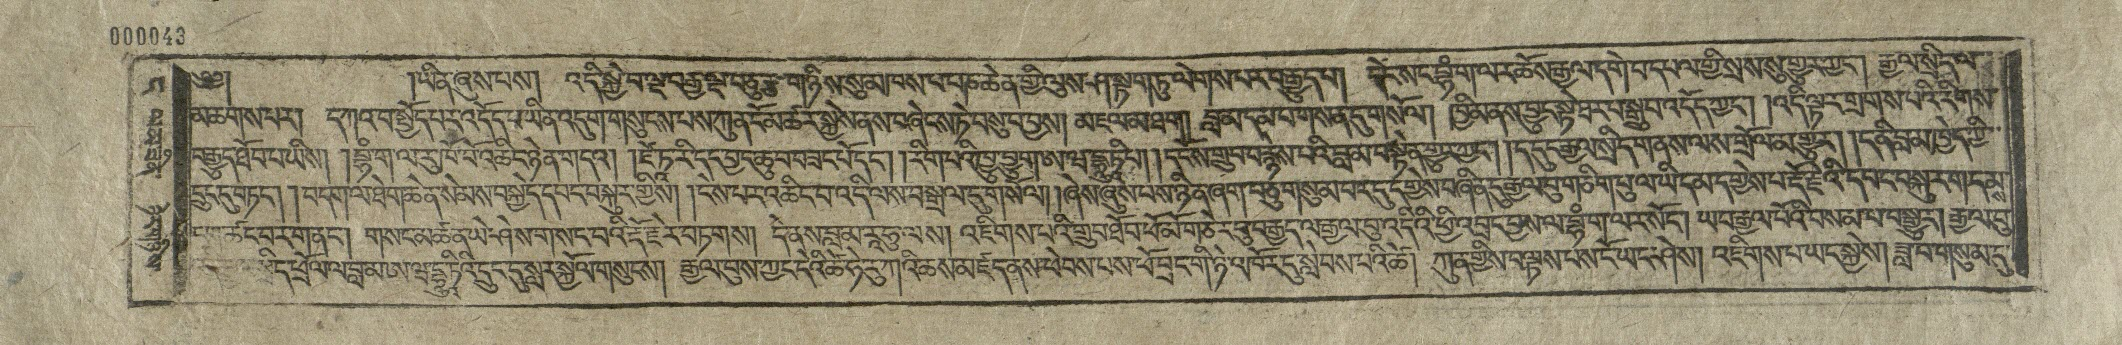༄༅། །ཡིན་ཞུས་པས། འདི་སྐྱེ་བ་ལྔ་བརྒྱ་ལྔ་བཅུ་རྩ་གཉིས་སུ་མཁས་པ་པཎ་ཆེན་གྱི་ལུས་ཤ་སྟག་ཏུ་ལེགས་པར་བརྒྱུད་པ། དེང་སང་བྷཾ་ག་ལར་ཆོས་རྒྱལ་དགེ་བ་དཔལ་གྱི་སྲས་སུ་གྱུར་ཀྱང་། རྒྱལ་སྲིད་ལ་
མ་ཆགས་པར། དཀའ་བ་སྤྱོད་པར་འདོད་པ་ཡིན་འདུག་གསུངས་པས་ཀུན་ངོ་མཚར་སྐྱེས་ནས་བཞེངས་ཏེ་བསུ་བ་བྱས། མཇལ་མ་ཐག །བླ་མ་དམ་པ་གསན་དུ་གསོལ། ཁྱིམ་ནས་བྱུང་སྟེ་ཐར་པ་སྒྲུབ་འདོད་ཀྱང་། །འདི་ལྟར་གྲགས་པའི་རིགས་
བརྒྱུད་ཐོབ་པ་ཡིས། །བྷཾཨ་ག་ལ་རུ་ཁོ་བོ་འཆིང་ཉེན་གདའ། །ཛེ་ཏཱ་རི་དང་བྱང་ཆུབ་བཟང་པོ་དང་། །རིག་པའི་ཁྱུ་བྱུག་ཨ་ཝ་དྷཱུ་ཏཱི་པ། །དངོས་གྲུབ་བརྙེས་པའི་བླ་མ་བསྟེན་གྱུར་ཀྱང་། །ད་དུང་རྒྱལ་སྲིད་གནས་ལས་གྲོལ་མ་གྱུར། །ད་ནི་བླ་མ་ཁྱེད་ཀྱི་
དྲུང་དུ་བཏང་། །བདག་ལ་ཐེག་ཆེན་སེམས་བསྐྱེད་དབང་བསྐུར་གྱིས། །ངེས་པར་འཆིང་བ་འདི་ལས་བསྒྲལ་དུ་གསོལ། །ཞེས་ཞུས་པས་ཉིན་ཞག་བཅུ་གསུམ་བར་དུ་དགྱེས་བཞིན་དུ་རྒྱལ་བུ་གཅིག་པུ་ལ་ཡི་དམ་དགྱེས་པ་རྡོ་རྗེའི་དབང་བསྐུར་གདམས་
ངག་ཚང་བར་གནང་། གསང་མཚན་ཡེ་ཤེས་གསང་བའི་རྡོ་རྗེར་བཏགས། དེ་ནས་བླ་མ་རཱ་ཧུ་ལས། འཇིགས་པའི་གྲུབ་ཐོབ་ཕོ་མོ་གཅེར་བུ་བརྒྱད་ལ་རྒྱལ་བུ་འདིའི་ཕྱི་འབྲང་བྱས་ལ་བྷཾཨ་ག་ལར་སོང་། ཡབ་རྒྱལ་པོའི་བསམ་པ་བསྒྱུར། རྒྱལ་བུ་
འདི་རྒྱལ་སྲིད་ཕྲོལ་ལ་བླ་མ་ཨ་ཝ་དྷཱུ་ཏཱིའི་དྲུང་དུ་སླར་སྐྱོལ་གསུངས། རྒྱལ་བུས་ཀྱང་དེའི་ཚེ་ཧེ་རུ་ཀའི་ཆས་མཛད་ནས་ཕེབས་པས་ཕོ་བྲང་གི་ཉེ་འཁོར་དུ་སླེབས་པའི་ཚེ། ཀུན་གྱིས་བལྟས་པས་ངོ་ཡང་ཤེས། འཇིགས་པ་ཡང་སྐྱེས། ཟླ་བ་གསུམ་དུ་